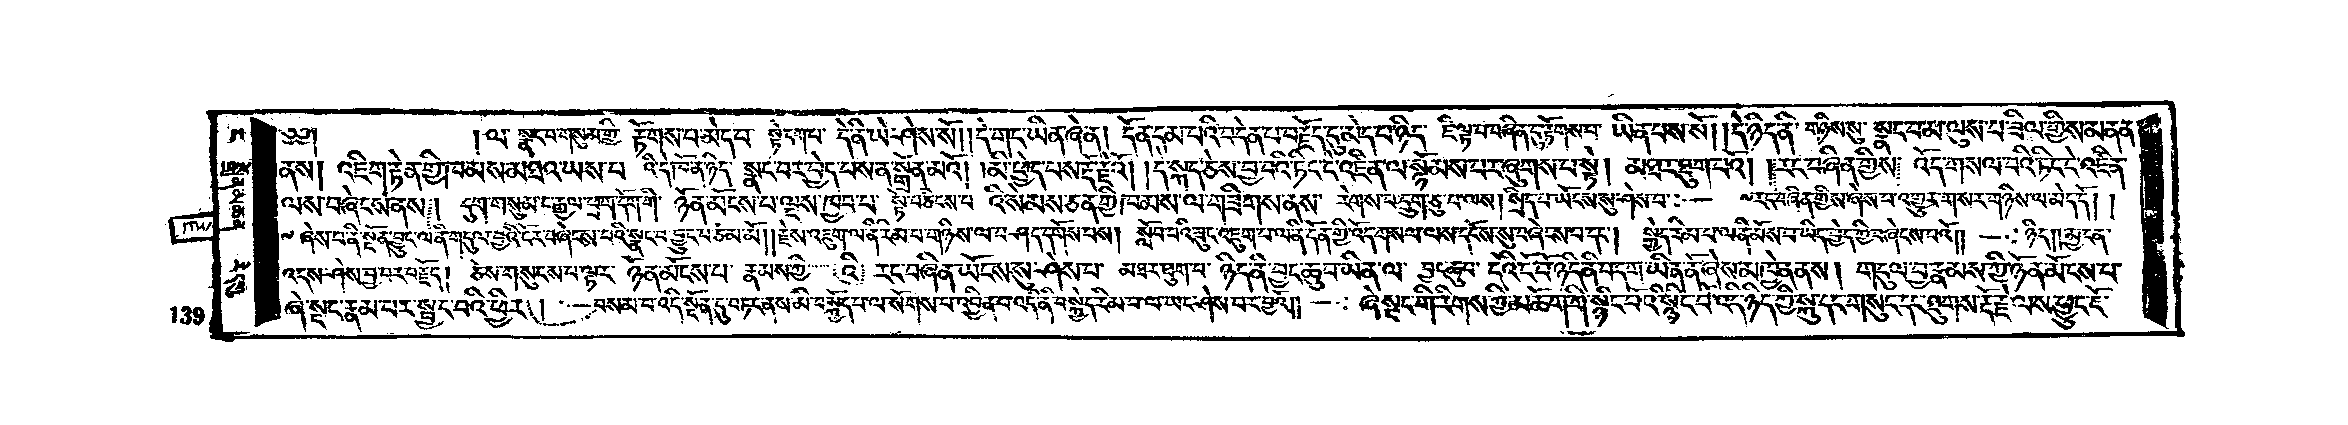༄༅། །ལ་སྣང་བ་གསུམ་གྱི་རྟོགས་པ་མེད་པ་སྟེ་དག་པ་དེ་ནི་ཡེ་ཤེས་སོ། །དེ་གང་ཡིན་ཞེ་ན། དོན་དམ་པའི་བདེན་པ་བརྗོད་དུ་མེད་པ་ཉིད་ཇི་ལྟ་བ་བཞིན་དུ་རྟོགས་པ་ཡིན་པས་སོ། །དེ་ཉིད་ནི་གཉིས་སུ་སྣང་བ་མ་ལུས་པ་ཟིལ་གྱིས་མནན་
ནས། འཇིག་རྟེན་གྱི་ཁམས་མཐའ་ཡས་པ་འི་དེ་ཁོ་ན་ཉིད་སྣང་བར་བྱེད་པས་ན་སྒྲོན་མའོ། །མི་ཕྱེད་པས་རྡོ་རྗེའི། །དེ་སྐད་ཅེས་བྱ་བའི་ཏིང་ངེ་འཛིན་ལ་སྙོམས་པར་ཞུགས་པ་སྟེ། མཐར་ཐུག་པའོ། །རང་བཞིན་གྱིས། འོད་གསལ་བའི་ཏིང་ངེ་འཛིན་
ལས་བཞེངས་ནས། དུག་གསུམ་ང་རྒྱལ་ཕྲག་དོག་གི་ཉོན་མོངས་པ་ལྔས་ཁྱབ་པ་སྟེ་བཅིངས་པའི་སེམས་ཅན་གྱི་ཁམས་ལ་གཟིགས་ནས། རིགས་པ་དྲུག་ཅུ་པ་ལས། སྲིད་པ་ཡོངས་སུ་ཤེས་པ་༧་རང་བཞིན་གྱིས་ཞེས་པ་འགྱུར་གསར་གཉིས་ལ་མེད་དོ། །
༧་ཞེས་པ་ནི་སྔོན་བྱུང་ལ་ནི་གདུལ་བྱའི་ངོར་བཞེངས་པའི་སྣང་བ་བྱུང་བ་ཙམ་མོ། །རྗེས་འཇུག་ལ་ནི་རིམ་པ་གཉིས་ལ་བཤད་དགོས་པས། སློབ་པའི་ཟུང་འཇུག་པ་ལ་ནི་དོན་གྱི་འོད་གསལ་ལས་དངོས་སུ་བཞེངས་པ་དང་། སྐྱེད་རིམ་པ་ལ་ནི་མོས་པ་ཡིད་བྱེད་ཀྱི་བཞེངས་པའོ།། ཉིད། །མྱ་ངན་
འདས་ཤེས་བྱ་བར་བརྗོད། ཅེས་གསུངས་པ་ལྟར་ཉོན་མོངས་པ་རྣམས་ཀྱི་འི་རང་བཞིན་ཡོངས་སུ་ཤེས་པ་མཐར་ཐུག་པ་ཉིད་ནི་བྱང་ཆུབ་ཡིན་ལ་བྱང་ཆུབ་དེའི་ངོ་བོ་ཉིད་ནི་བདག་ཡིན་ནོ་ཞེས་མཁྱེན་ནས། གདུལ་བྱ་རྣམས་ཀྱི་ཉོན་མོངས་པ་
ཞེ་སྡང་རྣམ་པར་སྦྱང་བའི་ཕྱིར། བསམ་པ་འདི་སྔོན་དུ་བཏང་ནས་མི་བསྐྱོད་པ་ལ་སོགས་པ་འབྱིན་པ་འདི་ནི་བསྐྱེད་རིམ་པ་ལ་ཡང་ཤེས་པར་བྱའོ།། ཞེ་སྡང་གི་རིགས་ཀྱི་མཆོག་གི་སྙིང་པོའི་སྙིང་པོ་འདི་ཉིད་ཀྱི་སྐུ་དང་གསུང་དང་ཐུགས་རྡོ་རྗེ་ལས་བྱུང་ངོ་